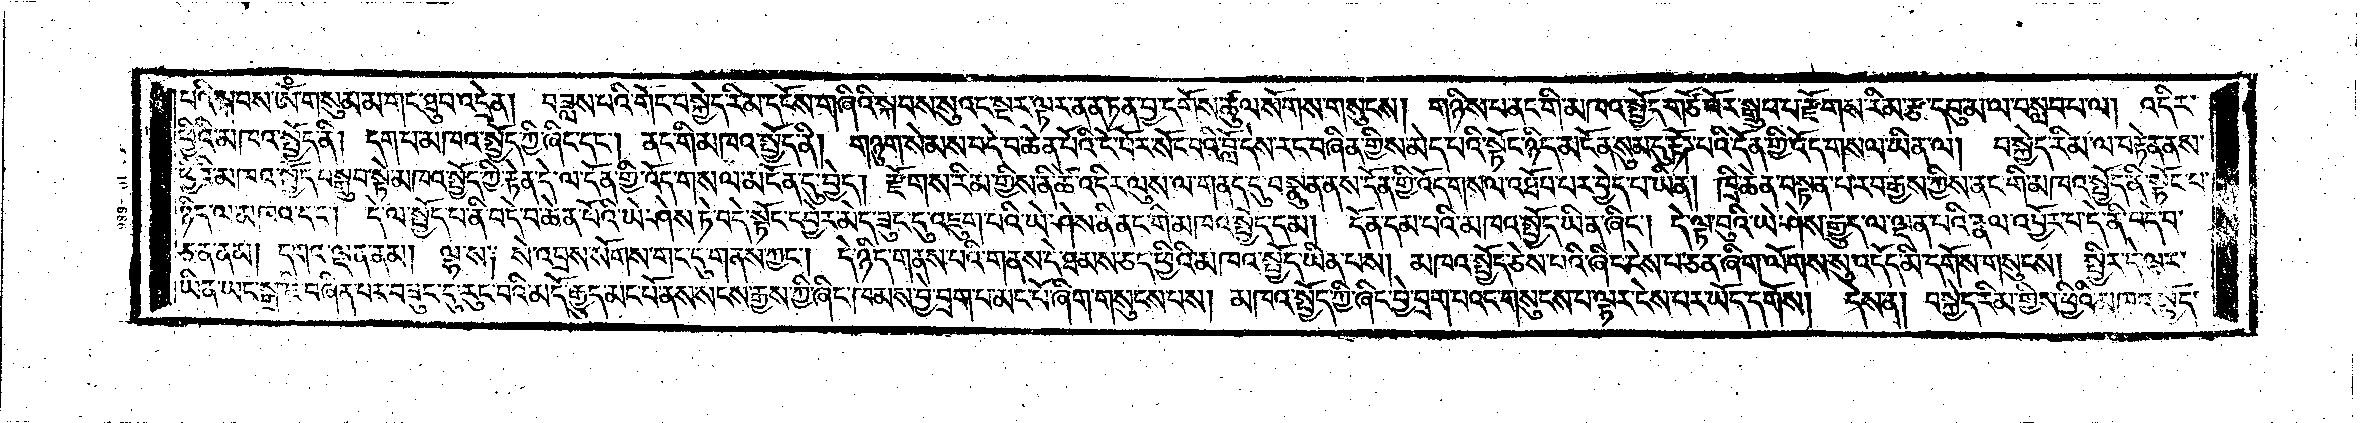པའི་སྐབས་ཨོཾ་གསུམ་མ་གང་ཐུབ་འདྲེན། བཟླས་པའི་གོང་བསྐྱེད་རིམ་དངོས་གཞིའི་སྐབས་སུའང་སྔར་ལྟར་ནན་ཏན་བྱ་དགོས་ཚུལ་སོགས་གསུངས། གཉིས་པ་ནང་གི་མཁའ་སྤྱོད་གཙོ་བོར་སྒྲུབ་པ་རྫོགས་རིམ་རྩ་དབུ་མ་ལ་བསླབ་པ་ལ། འདིར་
ཕྱིའི་མཁའ་སྤྱོད་ནི། དག་པ་མཁའ་སྤྱོད་ཀྱི་ཞིང་དང་། ནང་གི་མཁའ་སྤྱོད་ནི། གཉུག་སེམས་བདེ་བ་ཆེན་པོའི་ངོ་བོར་སོང་བའི་བློ་དེས་རང་བཞིན་གྱིས་མེད་པའི་སྟོང་ཉིད་མངོན་སུམ་དུ་རྟོགས་པའི་དོན་གྱི་འོད་གསལ་ཡིན་ལ། བསྐྱེད་རིམ་ལ་བརྟེན་ནས་
ཕྱིའི་མཁའ་སྤྱོད་བསྒྲུབ་སྟེ་མཁའ་སྤྱོད་ཀྱི་རྟེན་དེ་ལ་དོན་གྱི་འོད་གསལ་མངོན་དུ་བྱེད། རྫོགས་རིམ་གྱིས་ནི་ཚེ་འདིར་ལུས་ལ་གནད་དུ་བསྣུན་ནས་དོན་གྱི་འོད་གསལ་འཐོབ་པར་བྱེད་པ་ཡིན། ཁྲི་ཆེན་བསྟན་པ་རབ་རྒྱས་ཀྱིས་ནང་གི་མཁའ་སྤྱོད་ནི་སྟོང་པ་
ཉིད་ལ་མཁའ་དང་། དེ་ལ་སྤྱོད་པ་ནི་བདེ་བ་ཆེན་པོའི་ཡེ་ཤེས་ཏེ་བདེ་སྟོང་དབྱེར་མེད་ཟུང་དུ་འཇུག་པའི་ཡེ་ཤེས་ནི་ནང་གི་མཁའ་སྤྱོད་དམ། དོན་དམ་པའི་མཁའ་སྤྱོད་ཡིན་ཞིང་། དེ་ལྟ་བུའི་ཡེ་ཤེས་རྒྱུད་ལ་ལྡན་པའི་རྣལ་འབྱོར་པ་དེ་ནི་བདེ་བ་
ཅན་ནམ། དགའ་ལྡན་ནམ། ལྷ་ས༑ སེ་འབྲས་སོགས་གང་དུ་གནས་ཀྱང་། དེ་ཉིད་གནས་པའི་གནས་དེ་ཐམས་ཅད་ཕྱིའི་མཁའ་སྤྱོད་ཡིན་པས། མཁའ་སྤྱོད་ཅེས་པའི་ཞིང་ངེས་པ་ཅན་ཞིག་ལོགས་སུ་འདོད་མི་དགོས་གསུངས། སྤྱིར་དེ་ལྟར་
ཡིན་ཡང་སྒྲ་ཇི་བཞིན་པར་བཟུང་དུ་རུང་བའི་མདོ་རྒྱུད་མང་པོ་ནས་སངས་རྒྱས་ཀྱི་ཞིང་ཁམས་བྱེ་བྲག་པ་མང་པོ་ཞིག་གསུངས་པས། མཁའ་སྤྱོད་ཀྱི་ཞིང་བྱེ་བྲག་པའང་གསུངས་པ་ལྟར་ངེས་པར་ཡོད་དགོས། དེས་ན། བསྐྱེད་རིམ་གྱིས་ཕྱིའི་མཁའ་སྤྱོད་